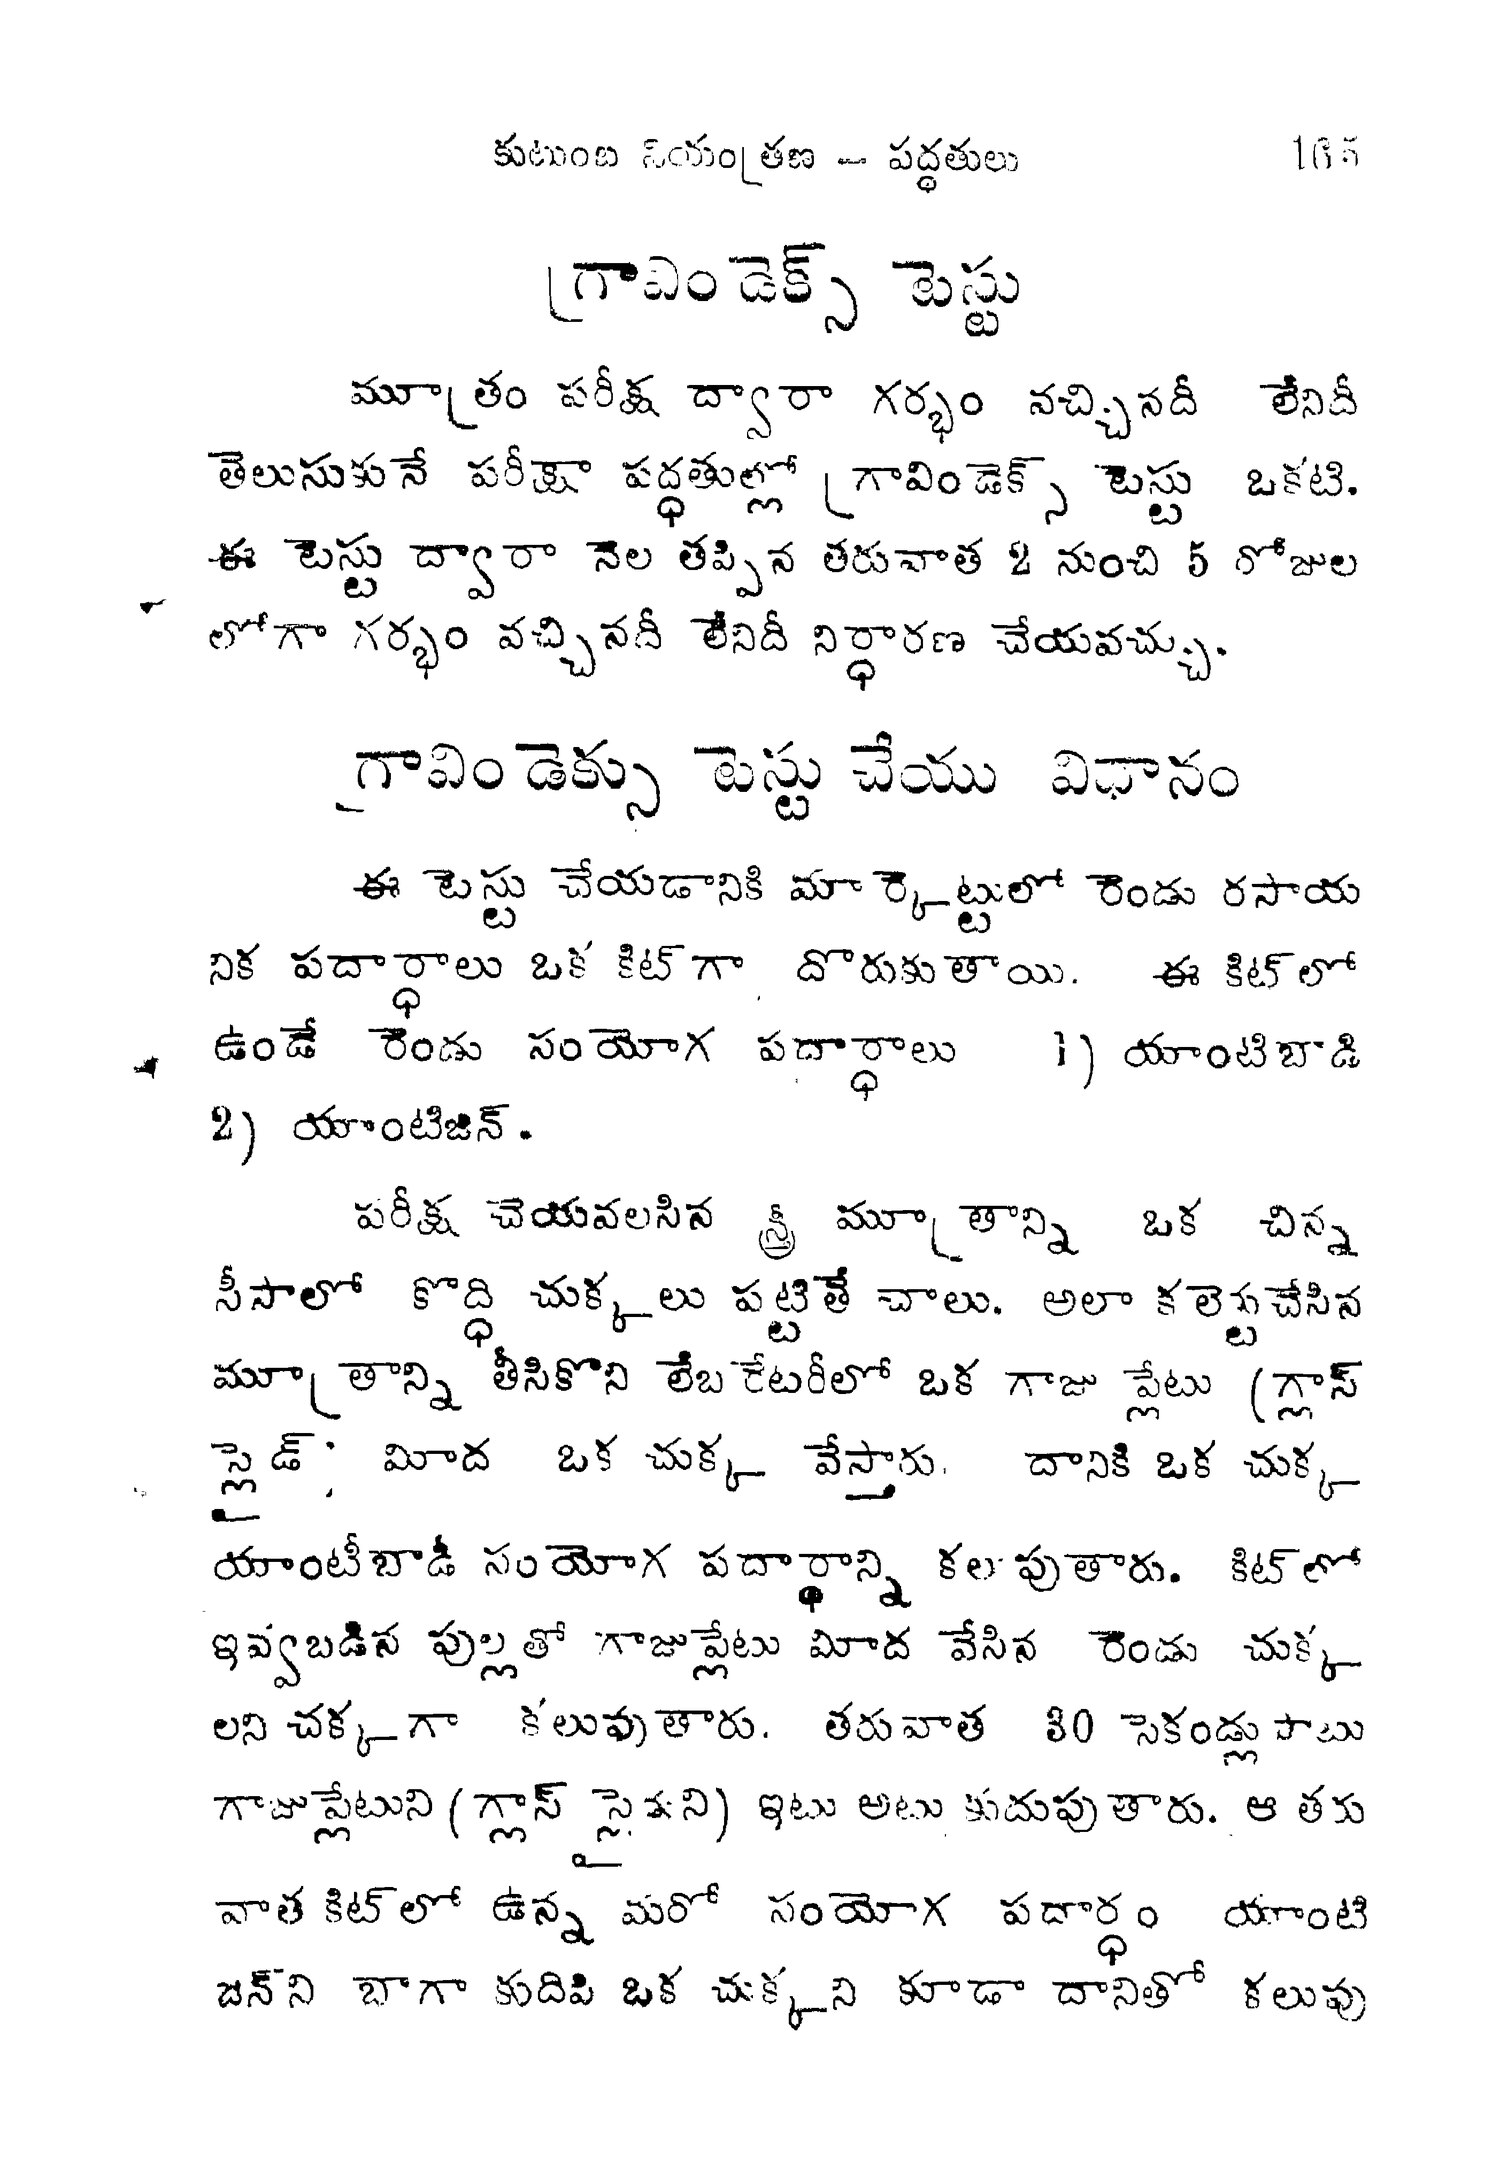మూత్రం పరీక్ష ద్వారా గర్భం వచ్చిందీ లేనిదీ తెలుసుకునే పరీక్షా పద్దతుల్లో గ్రావిండెక్స్ టెస్టు ఒకటి. ఈ టెస్టు ద్వారా నెల తప్పిన తరువాత 2 నుంచి 5 రోజులలోగా గర్భం వచ్చినదీ లేనిదీ నిర్ధారణ చేయవచ్చు.

ఈ టెస్టు చేయడానికి మార్కెట్టులో రెండు రసాయనిక పదార్ధాలు ఒక కిట్‌గా దొరుకుతాయి. ఈ కిట్‌లో ఉండే రెండు సంయోగ పదార్ధాలు 1) యాంటీబాడి 2)యాంటీజిన్.

పరీక్ష చేయవలసిన స్త్రీ మూత్రాన్ని ఒక చిన్న సీసాలో కొద్ది చుక్కలు పట్టితే చాలు. అలా కలెక్టుచేసిన మూత్రాన్ని తీసికొని లేబరటరీలో ఒక గాజు ప్లేటు (గ్లాసు స్లైడ్) మీద ఒక చుక్క వేస్తారు. దానికి ఒక చుక్క యాంటీబాడీ సంయోగ పదార్ధాన్ని కలుపుతారు. కిట్‌లో ఇవ్వబడిన పుల్లతో గాజుప్లేటు మీద వేసిన రెండు చుక్కలని చక్కగా కలుపుతారు. తరువాత 30 సెకండ్లు పాటు గాజుప్లేటుని (గ్లాస్ స్లైడుని) ఇటు అటు కుదుపుతారు. ఆ తరువాత కిట్‌లో ఉన్న మరో సంయోగ పదార్ధం యాంటీ జన్‌ని బాగా కుదిపిన ఒక చుక్కని కూడా దానితో కలుపు